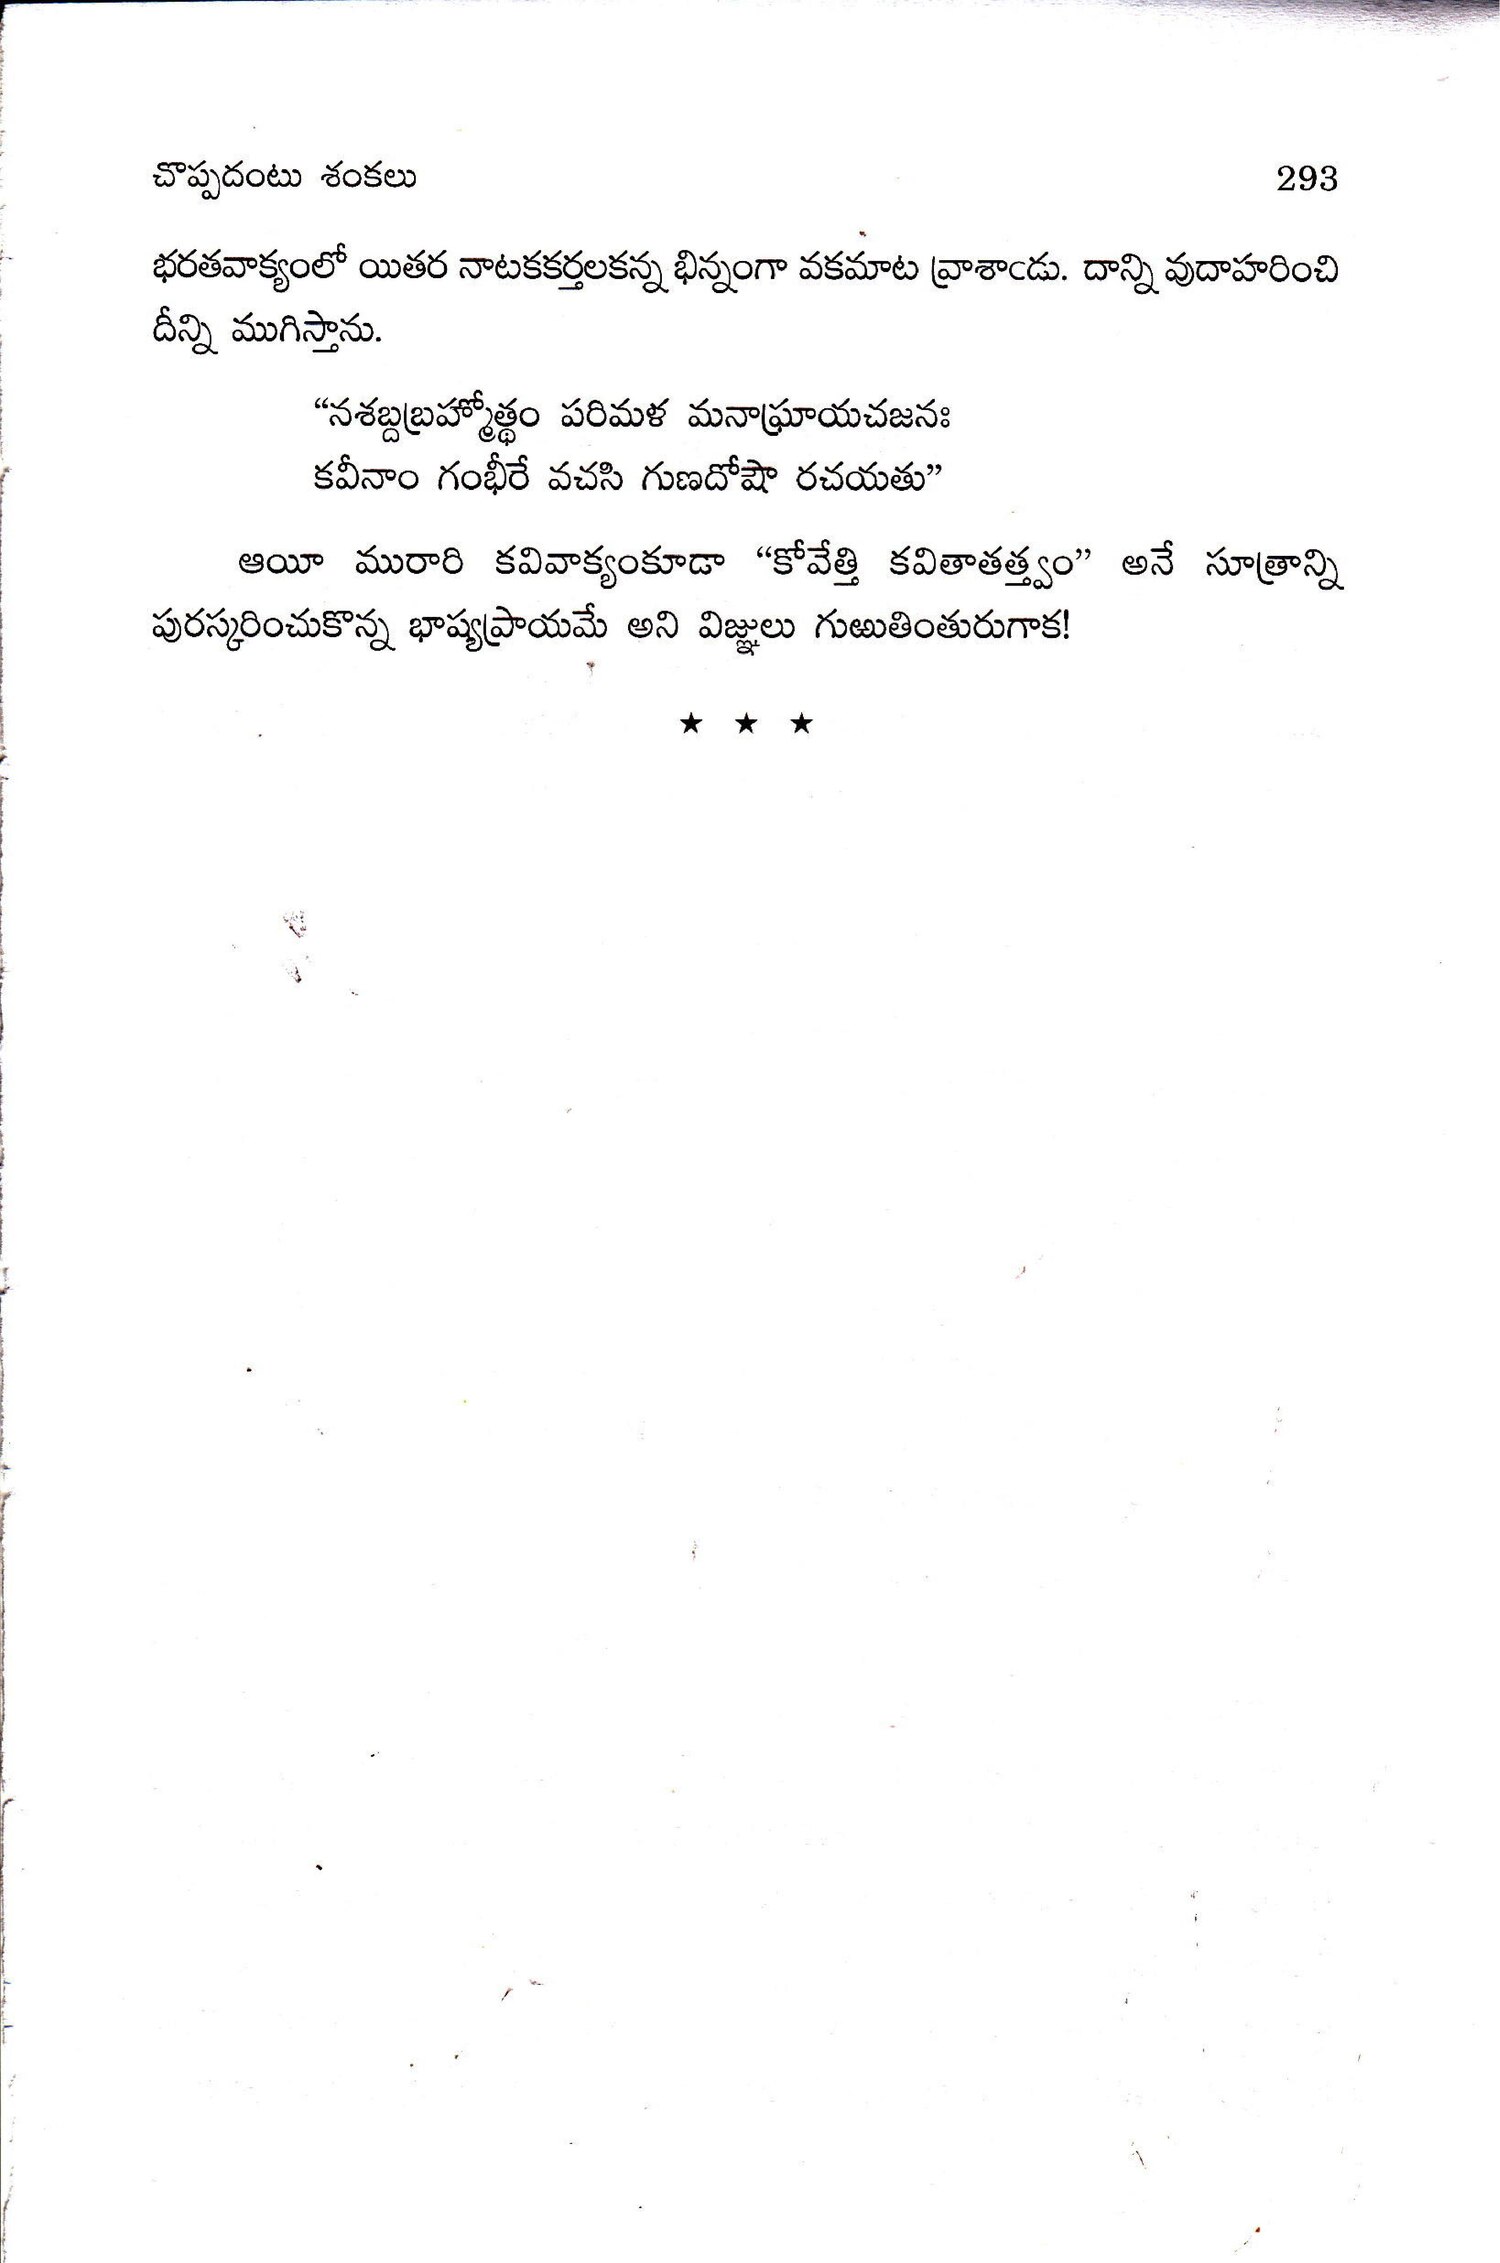భరతవాక్యంలో యితర నాటకకర్తలకన్న భిన్నంగా వకమాట వ్రాశాఁడు. దాన్ని వుదాహరించి దీన్ని ముగిస్తాను.

"నశబ్దబ్రహ్మోత్థం పరిమళ మనాఘ్రాయచజనః 
 కవీనాం గంభీరే వచసి గుణదోషా రచయతు”

ఆయీ మురారి కవివాక్యంకూడా “కోవేత్తి కవితాతత్త్వం” అనే సూత్రాన్ని పురస్కరించుకొన్న భాష్యప్రాయమే అని విజ్ఞులు గుఱుతింతురుగాక!